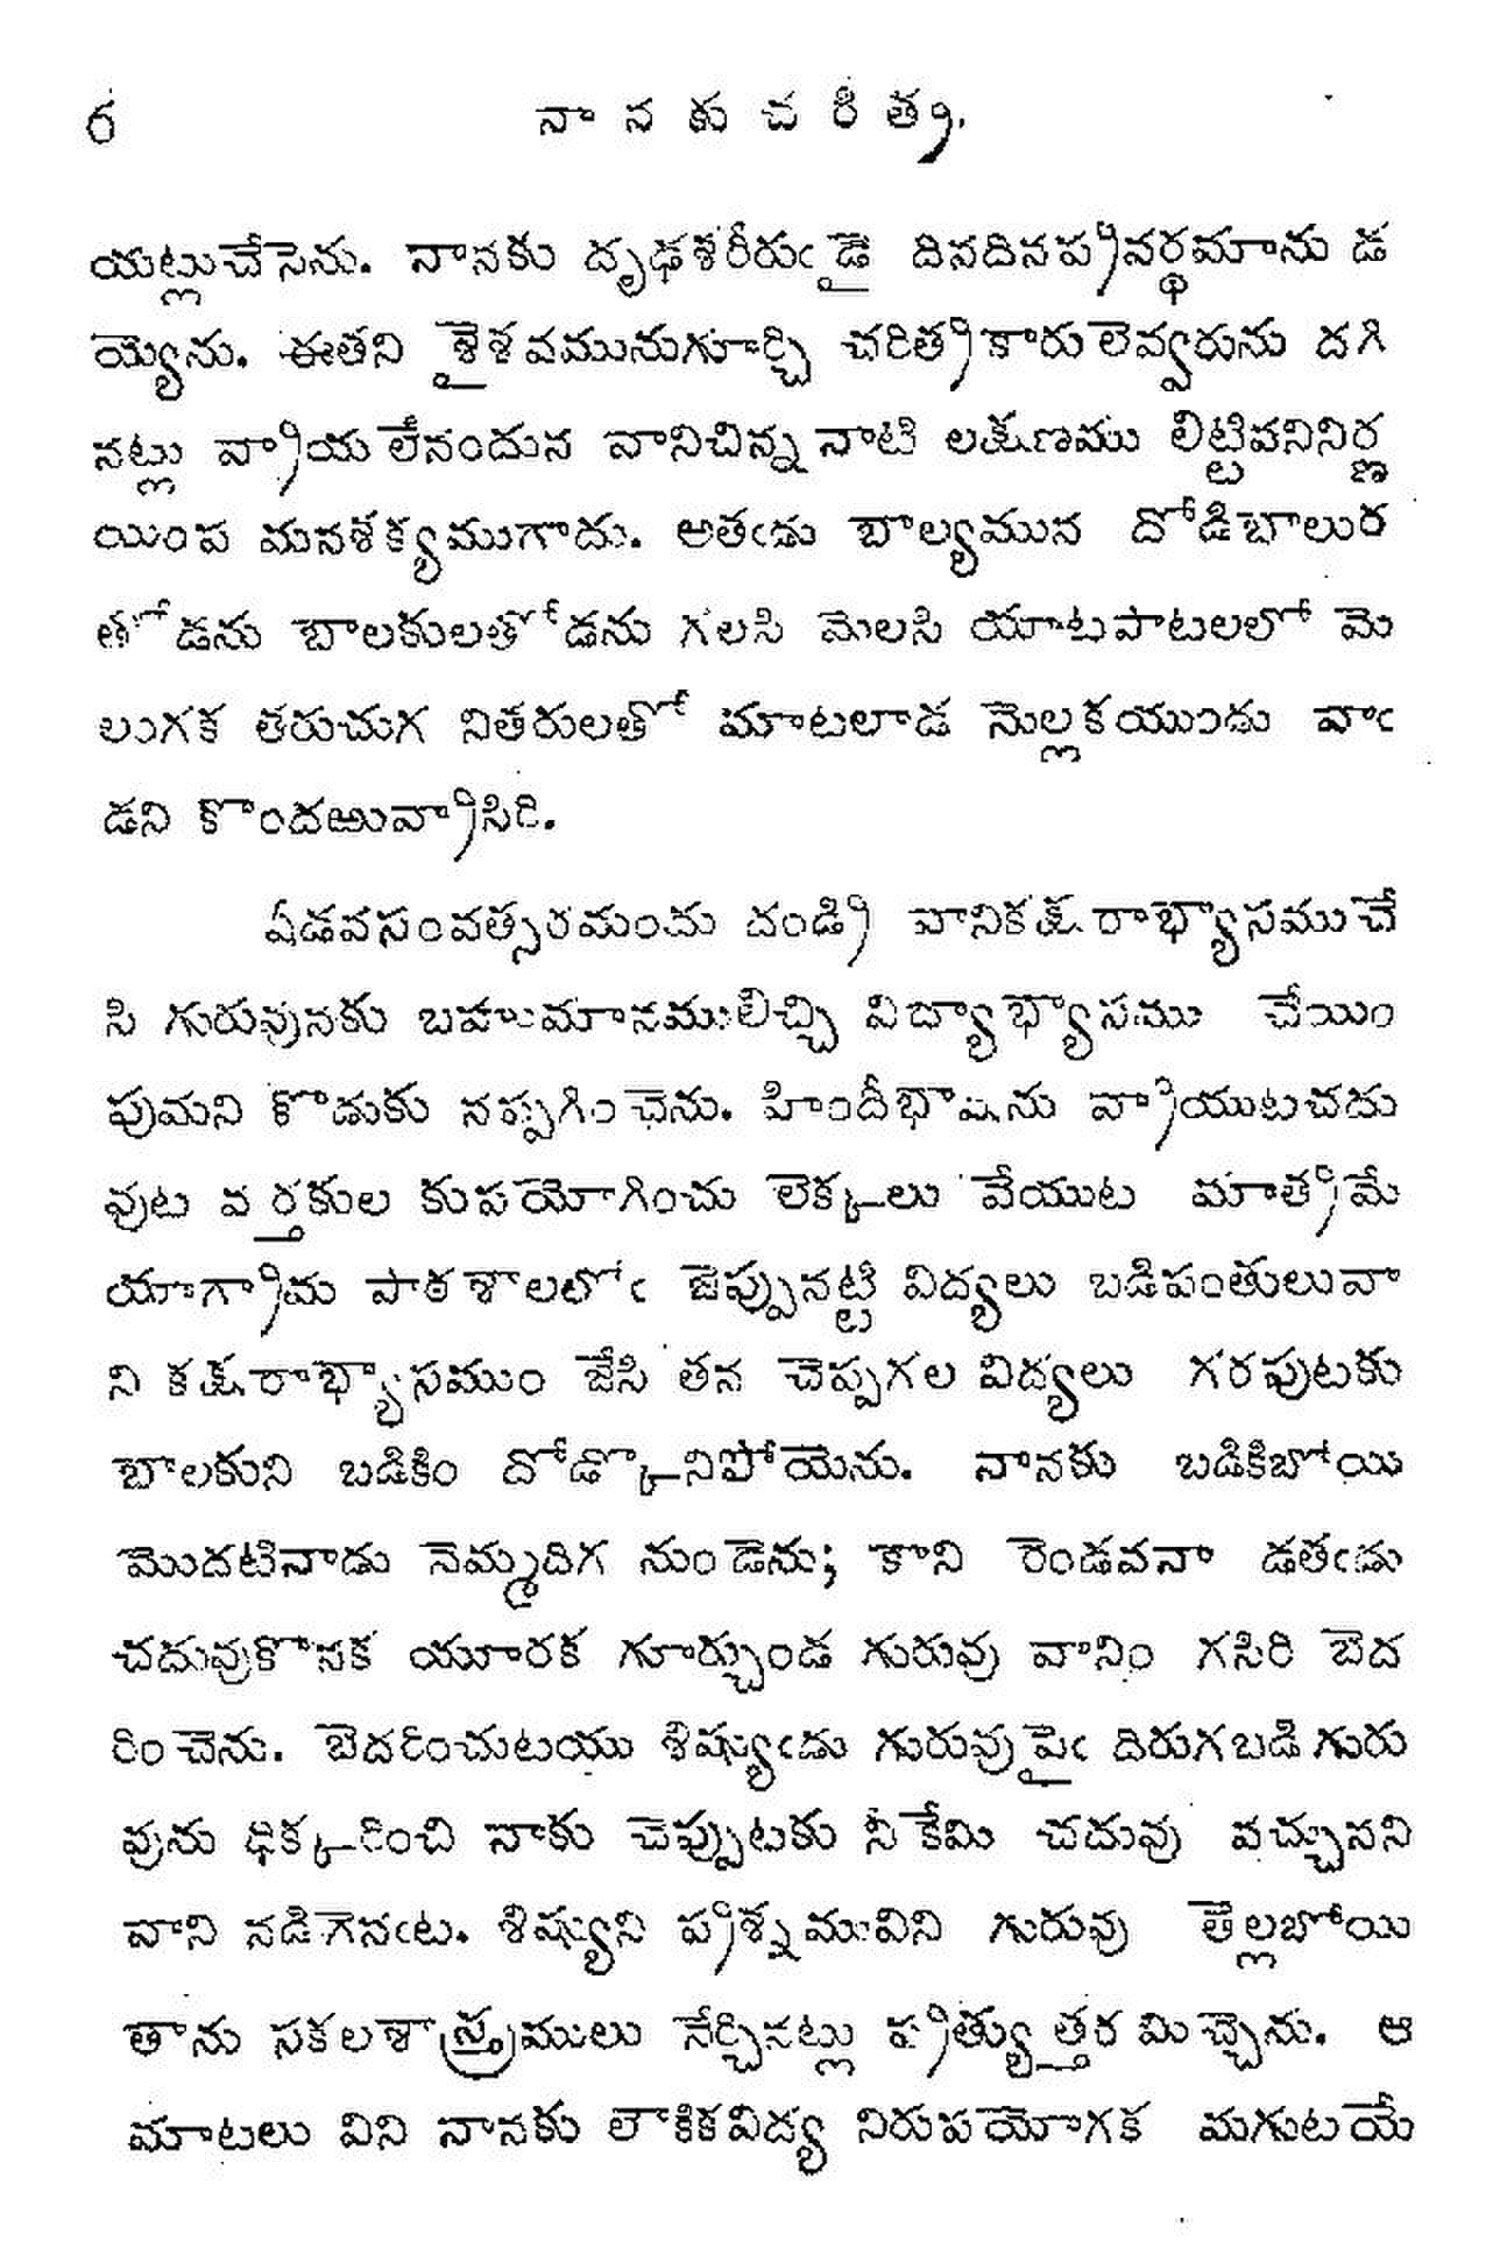యట్లుచేసెను. నానకు దృఢశరీరుఁడై దినదినప్రవర్థమానుడయ్యెను. ఈతని శైశవమునుగూర్చి చరిత్రకారులెవ్వరును దగినట్లు వ్రాయలేనందున వానిచిన్ననాటి లక్షణము లిట్టివనినిర్ణయింప మనశక్యముగాదు. అతఁడు బాల్యమున దోడిబాలురతోడను బాలకులతోడను గలసి మెలసి యాటపాటలలో మెలంగక తరుచుగ నితరులతో మాటాలాడ నొల్లకయుండు వాడని కొందఱువ్రాసిరి.

ఏడవసంవత్సరమందు దండ్రి వానికక్షరాభ్యాసముచేసి గురువునకు బహుమానములిచ్చి విద్యాభ్యాసము చేయింపుమని కొడుకు నప్పగించెను. హిందీభాషను వ్రాయుటచదువుట వర్తకుల కుపయోగించు లెక్కలువేయుట మాత్రమే యాగ్రామ పాఠశాలలోఁ జెప్పునట్టి విద్యలు. బడిపంతులువాని కక్షరాభ్యాసముం జేసి తన చెప్పగల విద్యలు గరపుటకు బాలకుని బడికిం దోడ్కొనిపోయెను. నానకు బడికిబోయి మొదటినాడు నెమ్మదిగ నుండెను; కాని రెండవనా డతఁడు చదువుకొనక యూరక గూర్చుండ గురువు వానిం గసిరి బెదరించెను. బెదరించుటయు శిష్యుడు గురువుపై దిరుగబడి గురువును ధిక్కరించి నాకు చెప్పుటకు నీకేమి చదువు వచ్చునని వాని నడిగెనఁట. శిష్యుని ప్రశ్నమువిని గురువు తెల్లబోయి తాను సకలశాస్త్రములు నేర్చినట్లు ప్రత్యుత్తర మిచ్చెను. ఆ మాటలు విని నానకు లౌకికవిద్య నిరుపయోగక మగుటయే